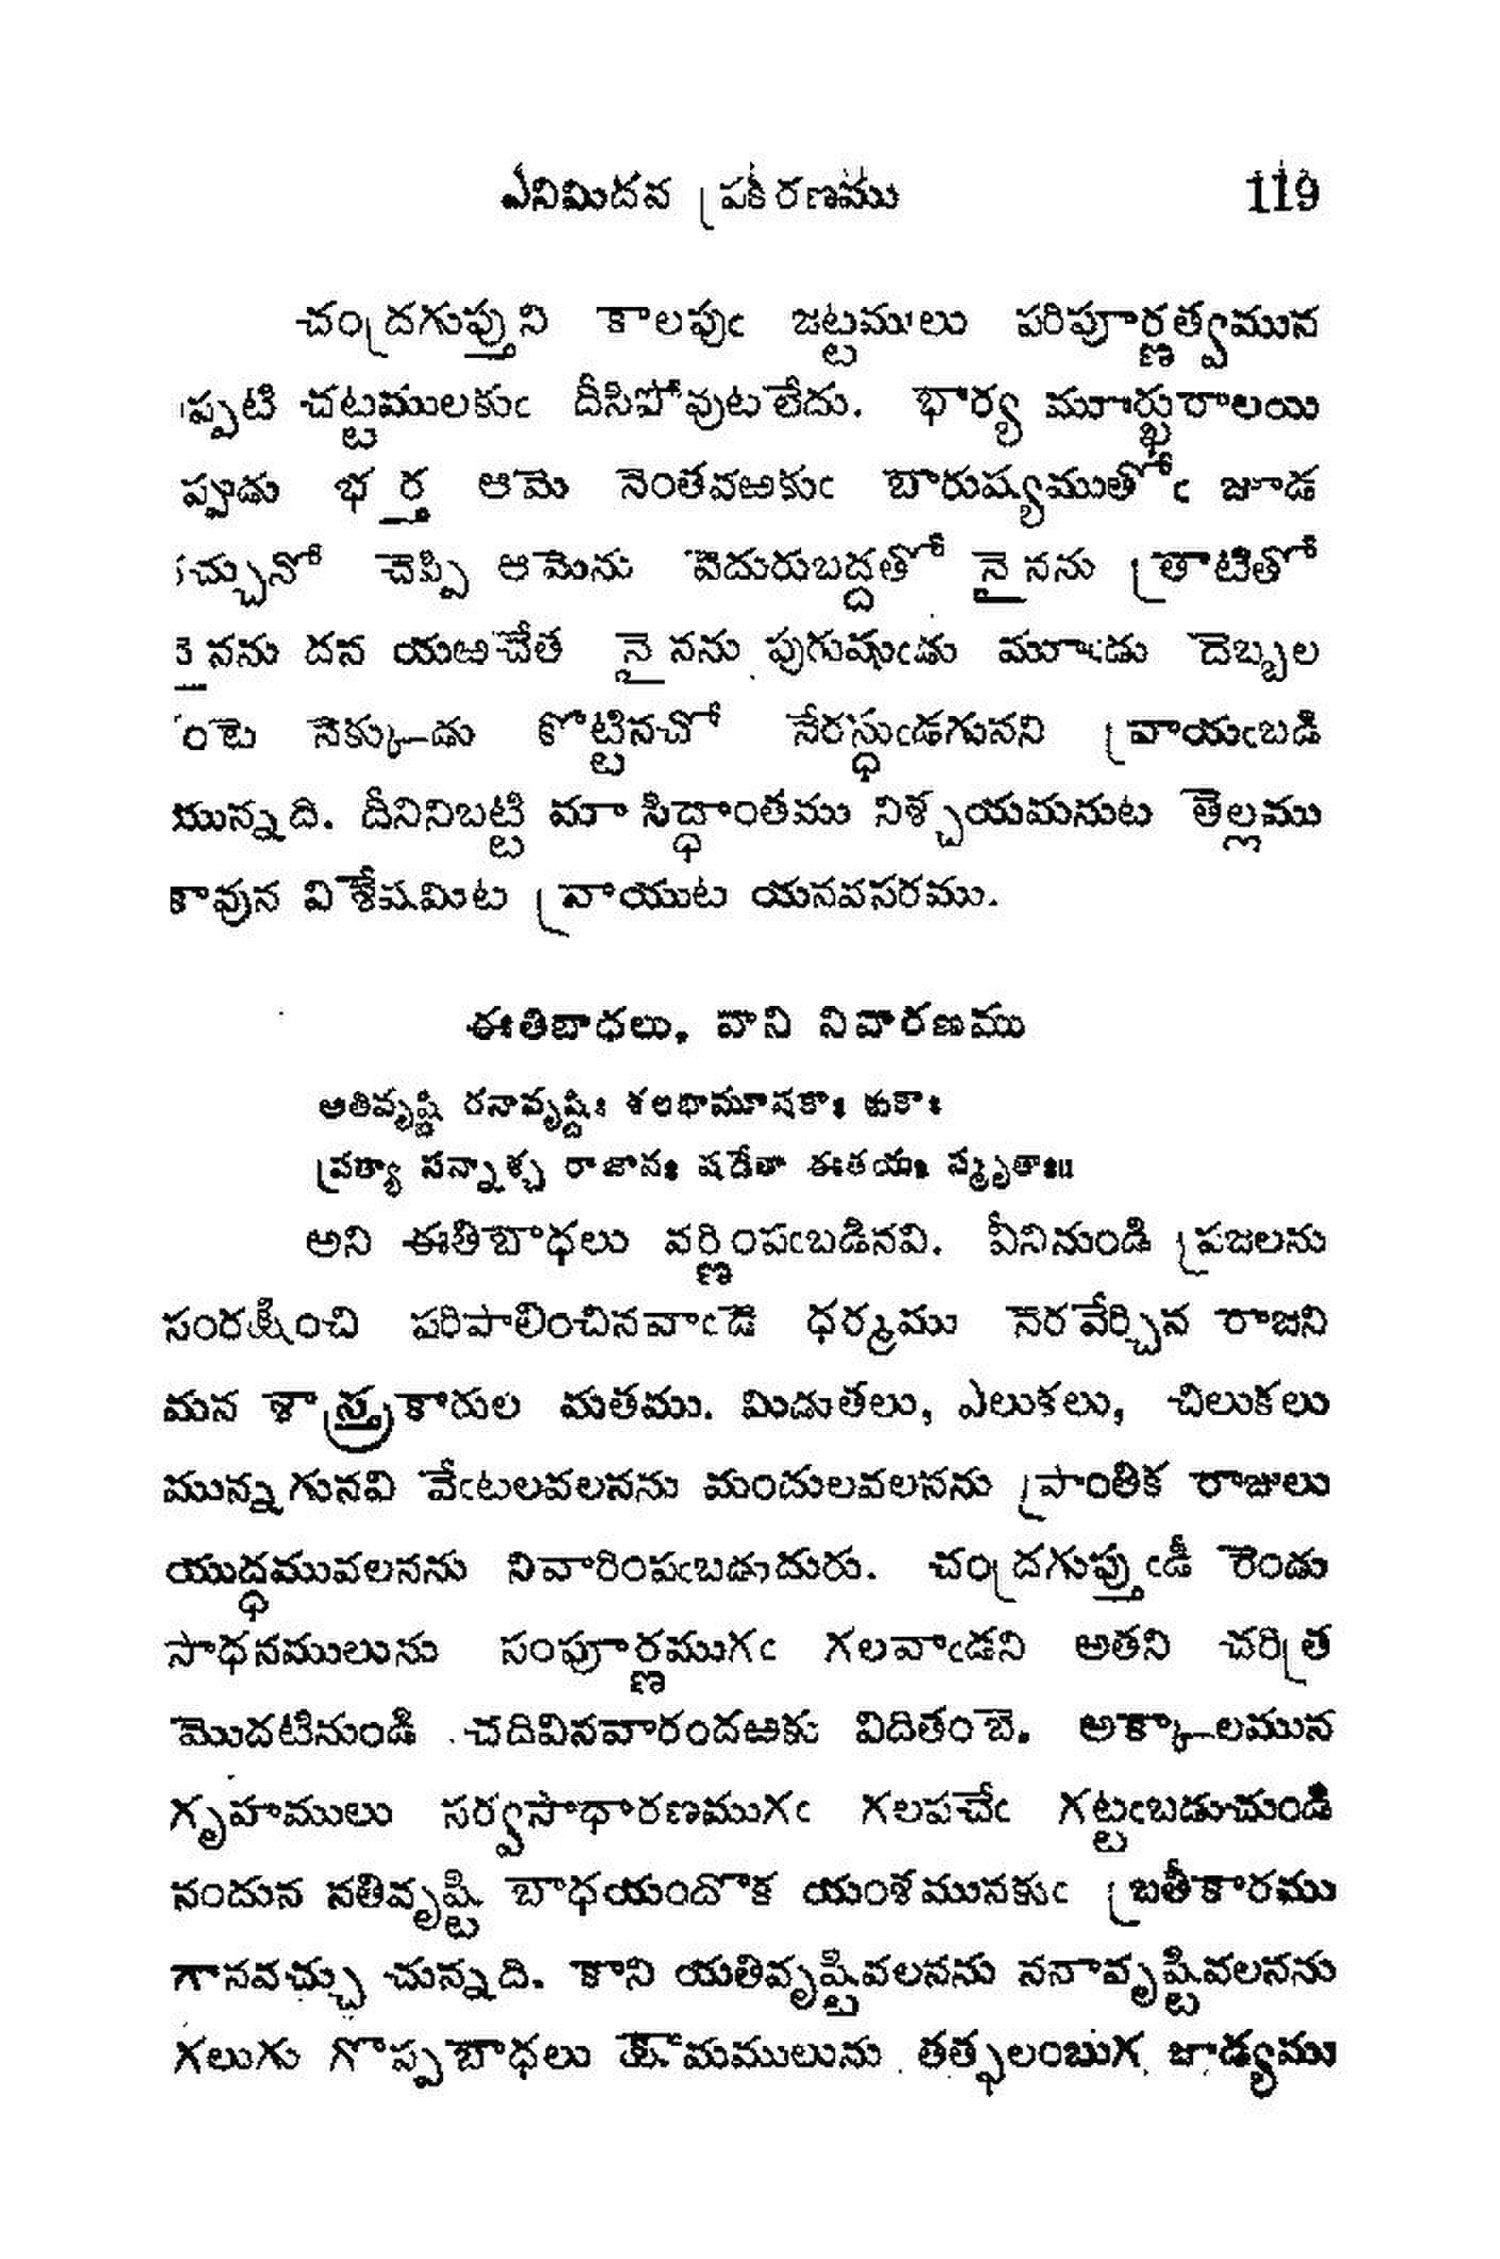చంద్రగుప్తుని కాలపుఁ జట్టములు పరిపూర్ణత్వమున నప్పటి చట్టములకుఁ దీసిపోవుటలేదు. భార్య మూర్ఖురాలయి నప్పుడు భర్త ఆమె నెంతవఱకుఁ బారుష్యముతోఁ జూడ వచ్చునో చెప్పి ఆమెను వెదురుబద్దతో నైనను త్రాటితో నైనను దన యఱచేత నైనను పురుషుఁడు మూఁడు దెబ్బల కంటె నెక్కుడు కొట్టినచో నేరస్థుఁడగునని వ్రాయఁబడి యున్నది. దీనినిబట్టి మా సిద్ధాంతము నిశ్చయమనుట తెల్లము కావున విశేషమిట వ్రాయుట యనవసరము.

ఈతిబాధలు, వాని నివారణము 

అతివృష్టి రనావృష్టిః శలభామూషకాః శుకాః 
ప్రత్యా సన్నాశ్చ రాజానః షడేతా ఈతయః స్మృతాః||
అని ఈతిబాధలు వర్ణింపఁబడినవి. వీనినుండి ప్రజలను సంరక్షించి పరిపాలించినవాఁడె ధర్మము నెరవేర్చిన రాజని మన శాస్త్రకారుల మతము. మిడుతలు, ఎలుకలు, చిలుకలు మున్నగునవి వేఁటలవలనను మందులవలనను ప్రాంతిక రాజులు యుద్దమువలనను నివారింపఁబడుదురు. చంద్రగుప్తుఁడీ రెండు సాధనములును సంపూర్ణముగఁ గలవాఁడని అతని చరిత్ర మొదటినుండి చదివినవారందఱకు విదితంబె. అక్కాలమున గృహములు సర్వసాధారణముగఁ గలపచేఁ గట్టఁబడుచుండి నందున నతివృష్టి, బాధయందొక యంశమునకుఁ బ్రతీకారము గానవచ్చు చున్నది. కాని యతివృష్టివలనను ననావృష్టివలనను గలుగు గొప్పబాధలు క్షామములును . తత్ఫలంబుగ, జాడ్యము